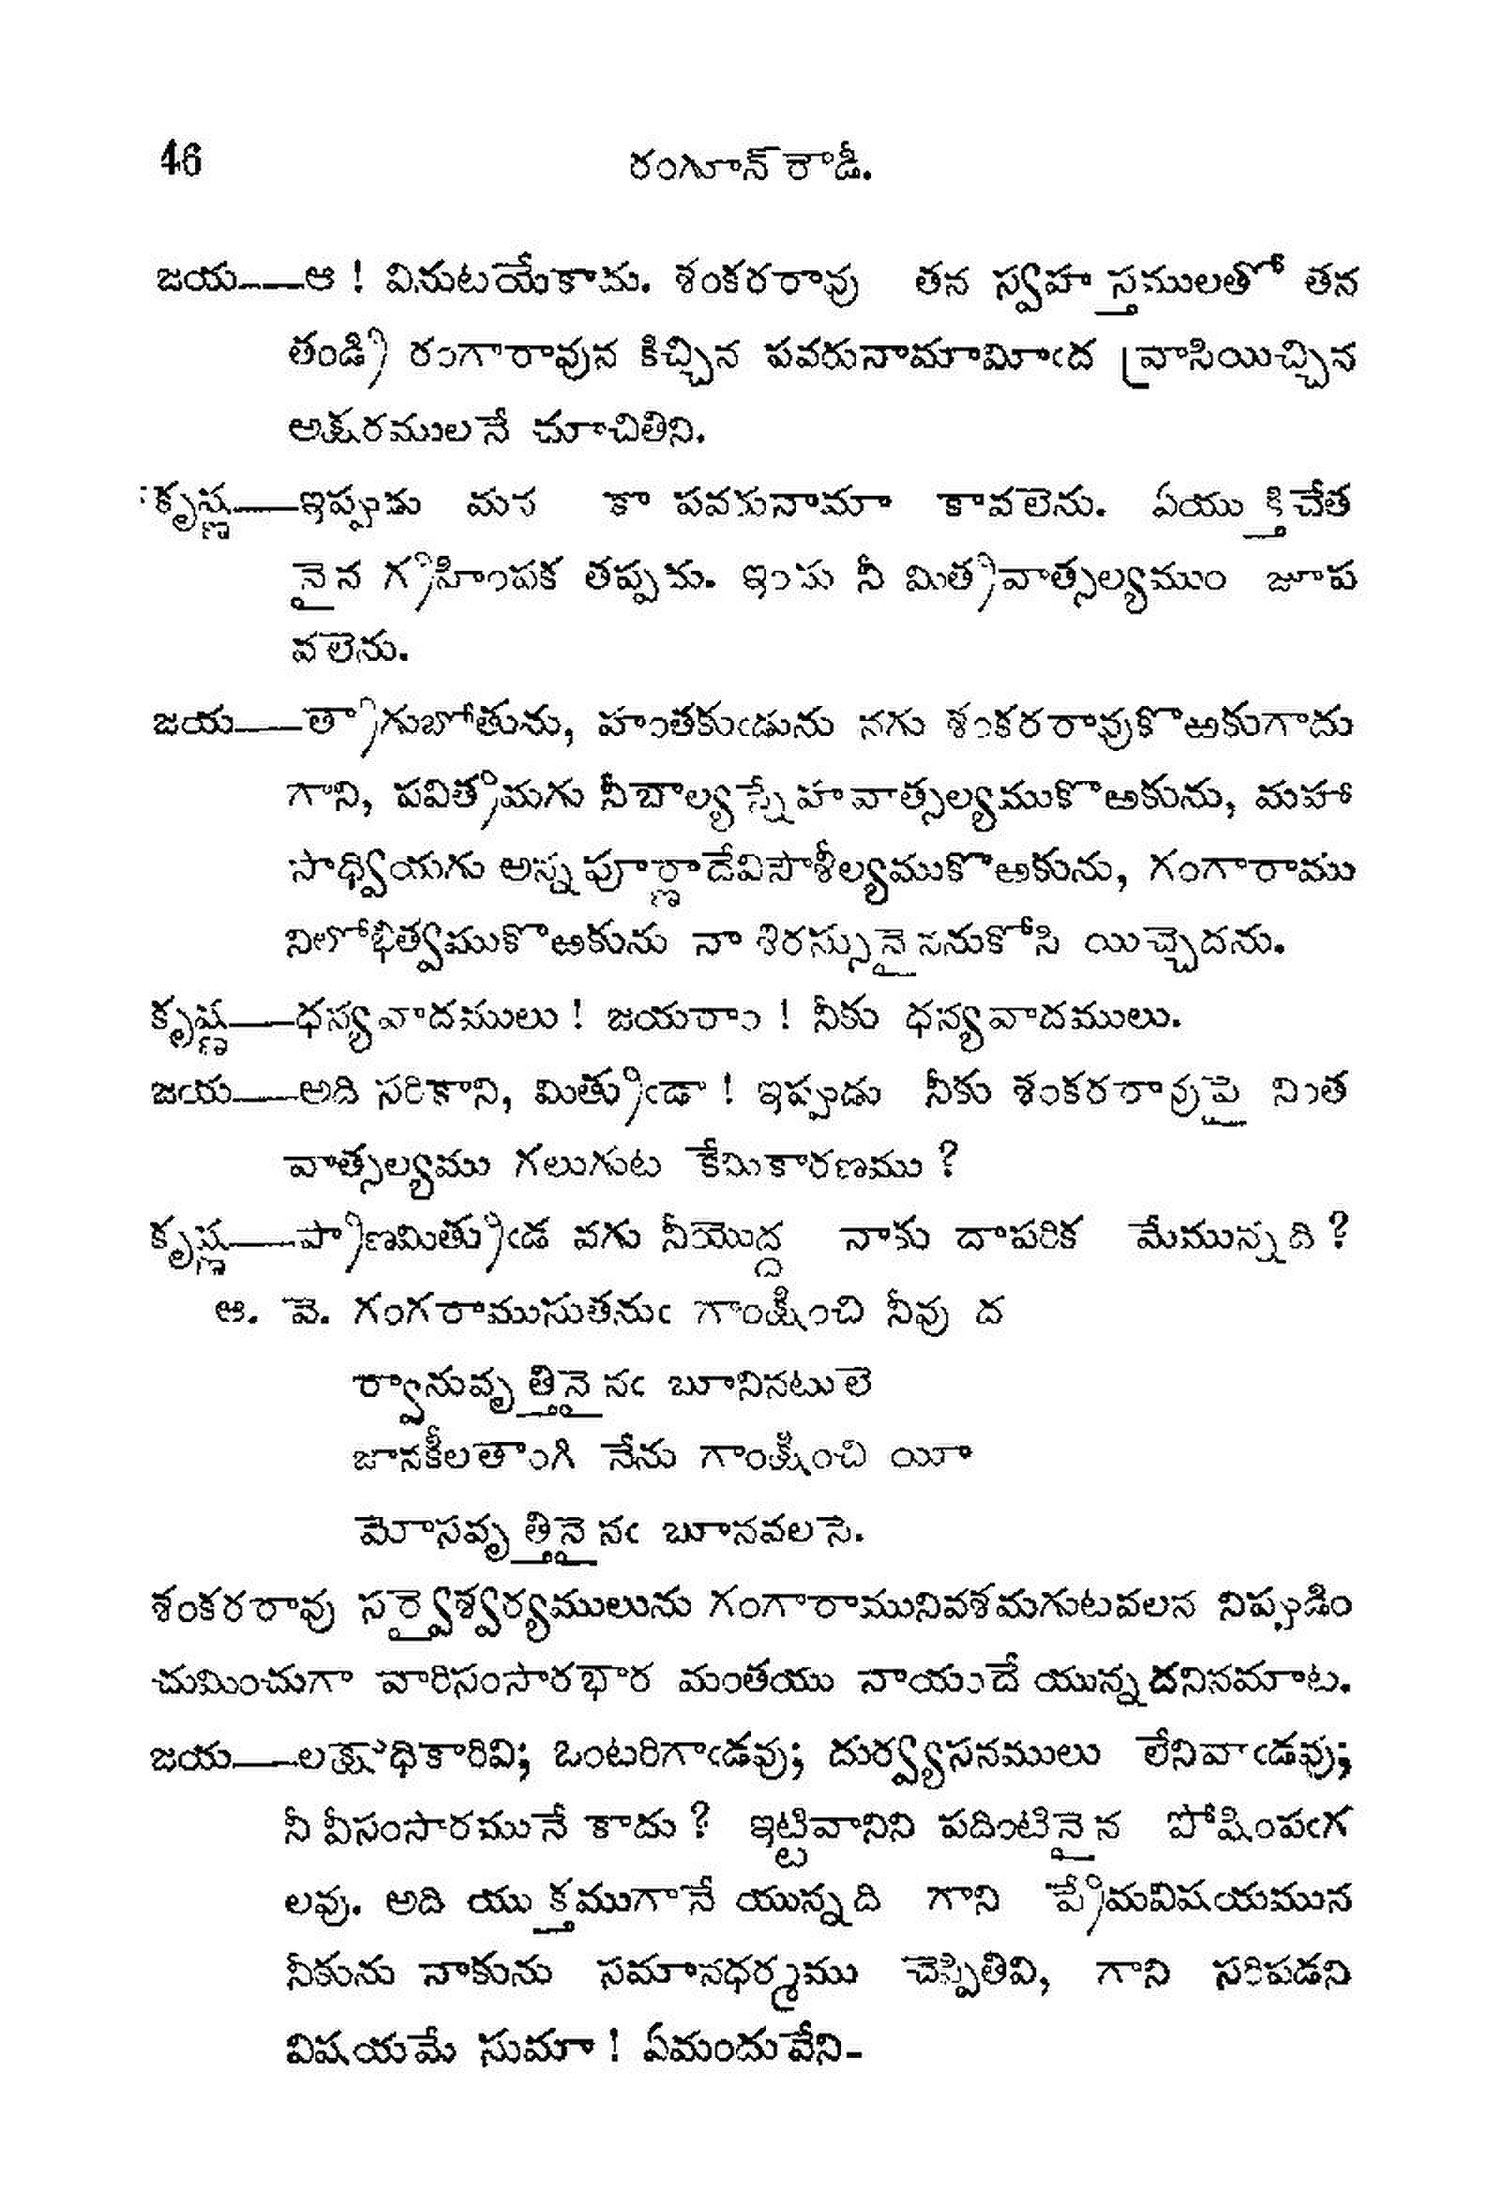జయ - ఆ ! వినుటయేకాదు. శంకరరావు తన స్వహస్తములతో తనతండ్రి రంగారావున కిచ్చిన పవరునామామీఁద వ్రాసియిచ్చిన అక్షరములనే చూచితిని.

కృష్ణ - ఇప్పుడు మన కా పవరునామా కావలెను. ఏయుక్తిచేత నైన గ్రహింపక తప్పదు. ఇందు నీ మిత్రవాత్సల్యముం జూపవలెను.

జయ - త్రాగుబోతును, హంతకుఁడును నగు శంకరరావుకొఱుకుగాదు గాని, పవిత్రమగు నీబాల్యస్నేహవాత్సల్యముకొఱకును, మహాసాధ్వియగు అన్నపూర్ణాదేవిసౌశీల్యముకొఱకును, గంగారామునిలోభిత్వముకొఱకును నా శిరస్సునైననుకోసి యిచ్చెదను.

కృష్ణ - ధన్యవాదములు ! జయరాం ! నీకు ధన్యవాదములు.

జయ - అది సరికాని, మిత్రుఁడా ! ఇప్పుడు నీకు శంకరరావుపై నింతవాత్సల్యము గలుగుట కేమికారణము ?

కృష్ణ - ప్రాణమిత్రుడ వగు నీయొద్ద నాకు దాపరిక మేమున్నది ?

ఆ. వె. గంగరాముసుతనుఁ గాంక్షించి నీవు ద
 ర్వానువృత్తినైనఁ బూనినటులె
 జానకీలతాంగి నేను గాంక్షించి యీ
 మోసవృత్తినైనఁ బూనవలసె.
శంకరరావు సర్వైశ్వర్యములును గంగారామునివశమగుటవలన నిప్పుడించుమించుగా వారిసంసార భార మంతయు నాయందే యున్నదనినమాట.

జయ - లక్షాధికారివి; ఒంటరిగాఁడవు; దుర్వ్యసనములు లేనివాఁడవు; నీ వీసంసారమునే కాదు ? ఇట్టివానిని పదింటినైన పోషింపఁగలవు. అది యుక్తముగానే యున్నది గాని ప్రేమవిషయమున
నీకును నాకును సమానధర్మము చెప్పితివి, గాని సరిపడని విషయమే సుమా! ఏమందువేని-